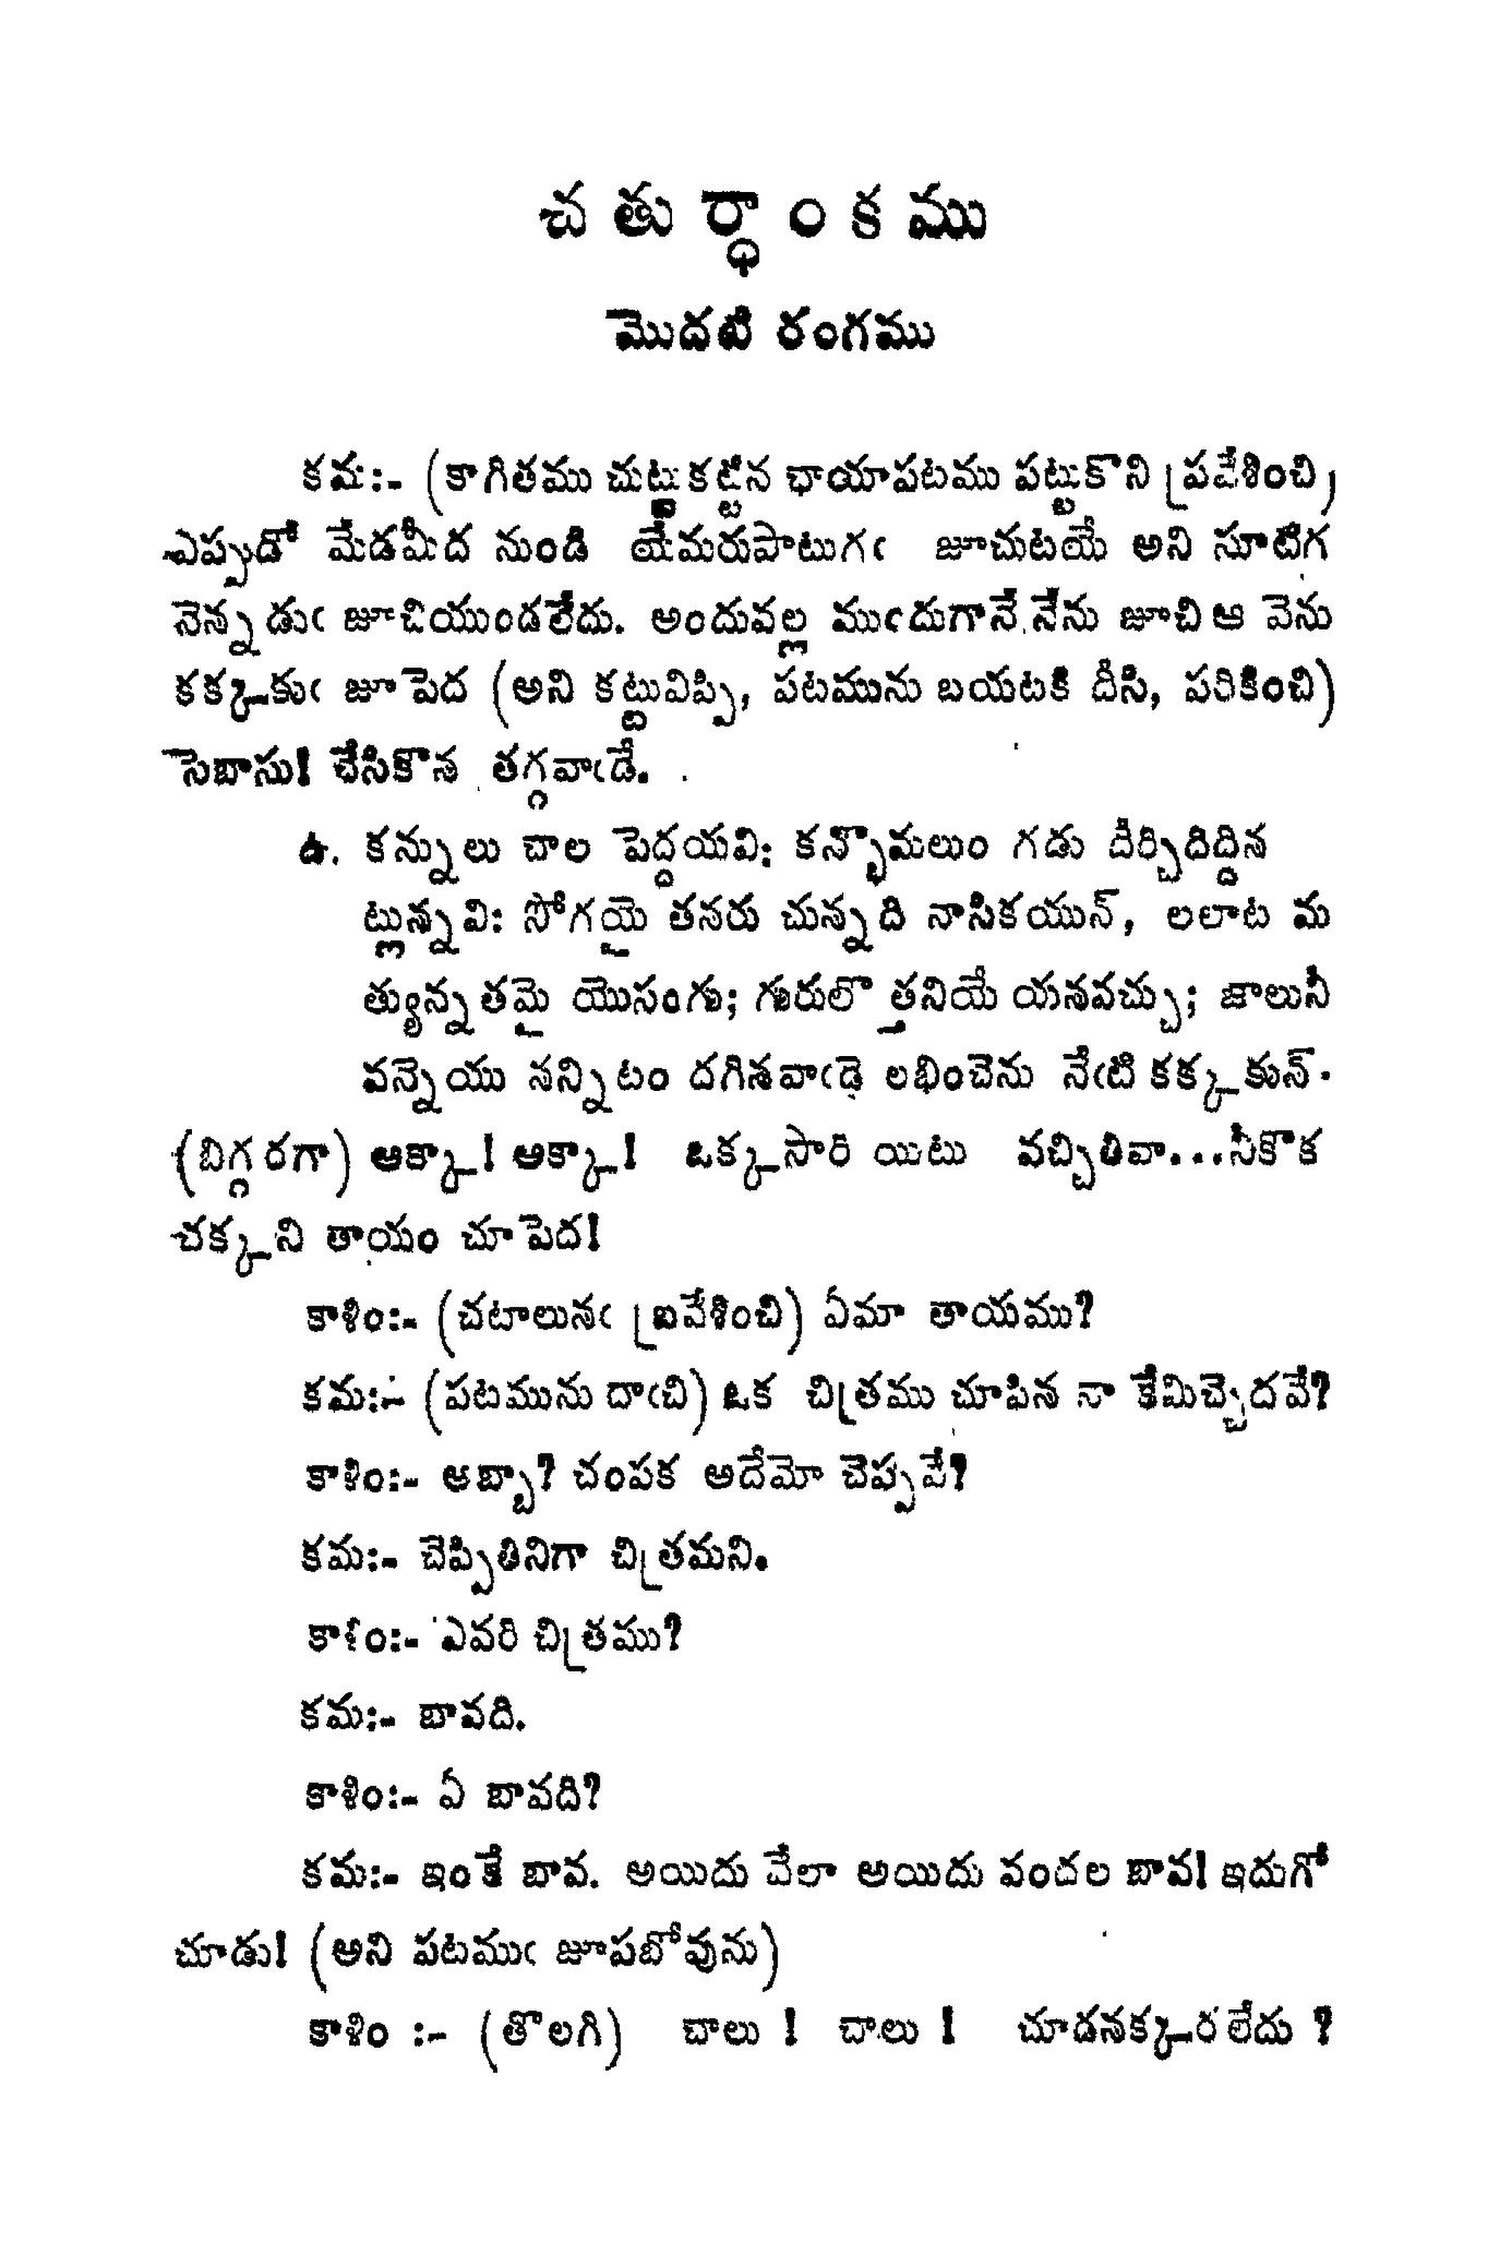చతుర్థాంకము 
మొదటి రంగము 

కమ :-(కాగితము చుట్టకట్టిన ఛాయాపటము పట్టుకొని ప్రవేశించి) ఎప్పుడో మేడమీఁది నుండి యేమరుపాటుగఁ జూచుటయే అని సూటిగ నెన్నడుఁ జూచియుండలేదు. అందువల్ల ముందుగానే నేను జూచి ఆ వెనుకక్కకుఁ జూపెద. (అని కట్టువిప్పి, పటమును బయిటకి దీసి, పరికించి) సెబాసు! చేసికొన తగ్గవాఁడే.

ఉ. కన్నులు చాల పెద్దయవి; కన్బొమలుం గడు దీర్చిదిద్దిన
 ట్లున్నవి; సోగయై తనరు చున్నది నాసికయున్‌, లలాట మ
 త్యున్నతమై యొసంగుఁ; గురులొత్తనియే యనవచ్చు; జాలునీ
 వన్నెయు నన్నిటం దగినవాఁడె లభించెను నేఁటి కక్కకున్‌.

(బిగ్గరగా) అక్కా! అక్కా! ఒక్కసారి యిటు వచ్చితివా- నీకొక చక్కని తాయం చూపెద!

కాళిం :- (చటాలునఁ బ్రవేశించి) ఏమా తాయము?

కమ :- (పటమును దాఁచి) ఒకచిత్రము చూపిన నా కేమిచ్చెదవే?

కాళిం :- అబ్బా? చంపక అదేమో చెప్పవే?

కమ :- చెప్పితినిగా చిత్రమని.

కాళిం :- ఎవరి చిత్రము?

కమ :- బావది!

కాళిం :- ఏ బావది?

కమ :- ఇంకే బావ! అయిదు వేలా అయిదు వందల బావ! ఇదుగో చూడు! (అని పటముఁ జూపఁబోవును.)

కాళిం :- (తొలగి) చాలు! చాలు! చూడనక్కరలేదు?